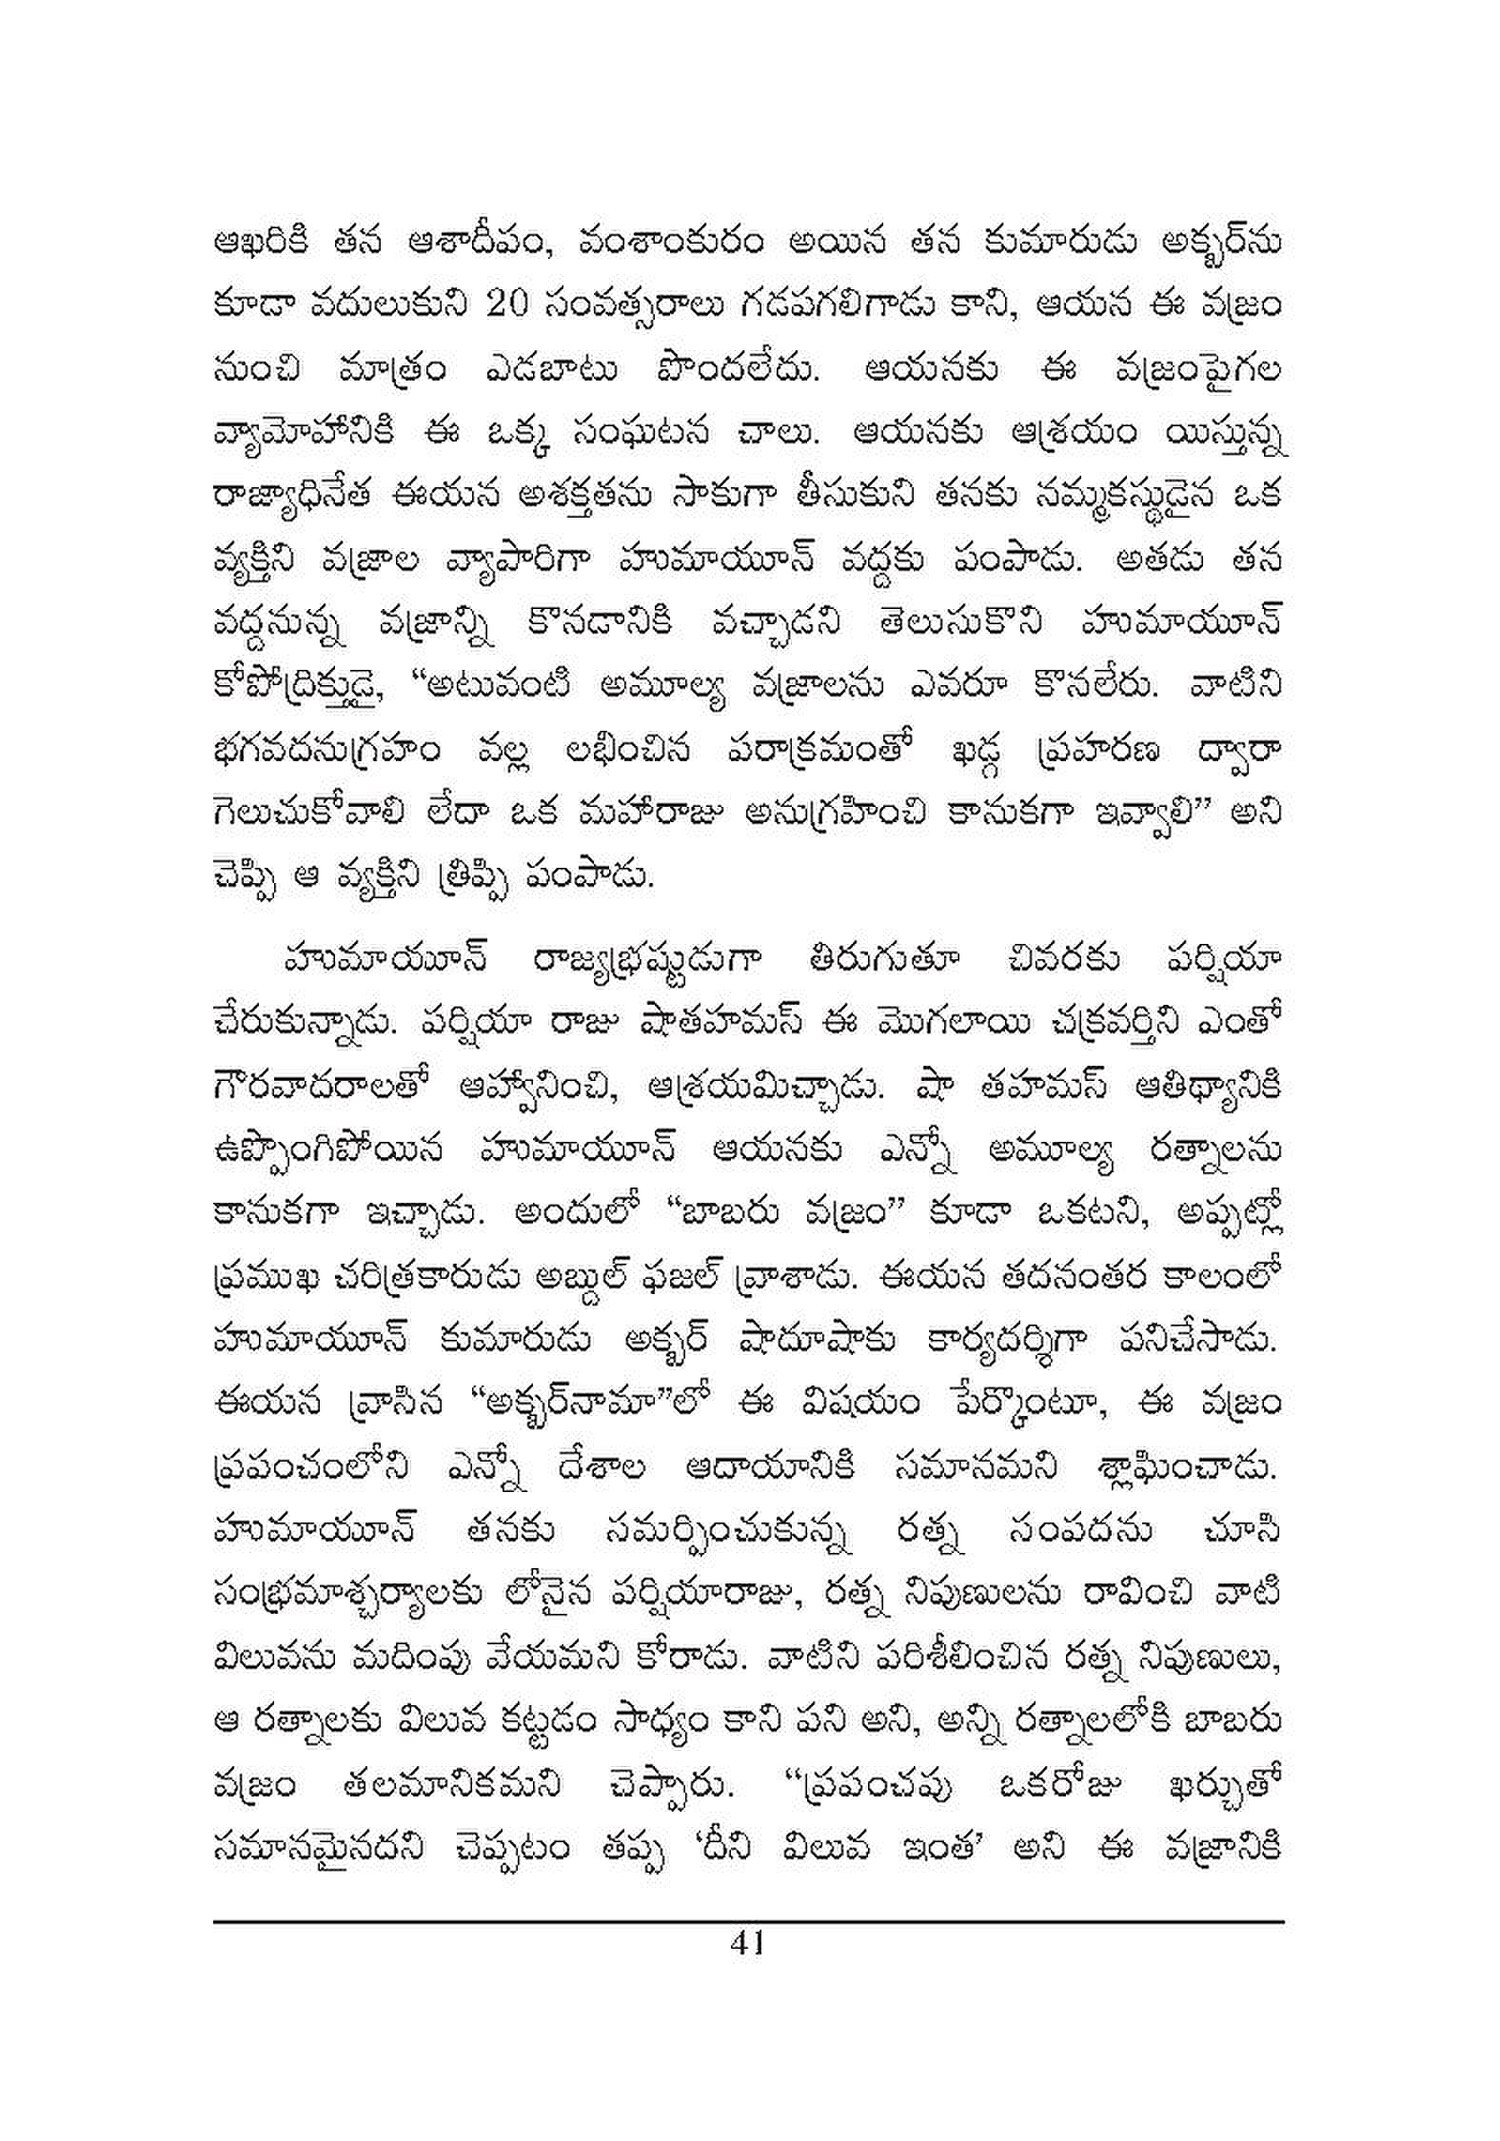ఆఖరికి తన ఆశాదీపం, వంశాంకురం అయిన తన కుమారుడు అక్బర్ను కూడా వదులుకుని 20 సంవత్సరాలు గడపగలిగాడు కాని, ఆయన ఈ వజ్రం నుంచి మాత్రం ఎడబాటు పొందలేదు. ఆయనకు ఈ వజ్రంపై గల వ్యామోహానికి ఈ ఒక్క సంఘటన చాలు. ఆయనకు ఆశ్రయం యిస్తున్న రాజ్యాధినేత ఈయన అశక్తతను సాకుగా తీసుకుని తనకు నమ్మకస్థుడైన ఒక వ్యక్తిని వజ్రాల వ్యాపారిగా హుమాయూన్ వద్దకు పంపాడు. అతడు తన వద్దనున్న వజ్రాన్ని కొనడానికి వచ్చాడని తెలుసుకొని హుమాయూన్ కోపోద్రిక్తుడై, "అటువంటి అమూల్య వజ్రాలను ఎవరూ కొనలేరు. వాటిని భగవదనుగ్రహం వల్ల లభించిన పరాక్రమంతో ఖడ్గ ప్రహరణ ద్వారా గెలుచుకోవాలి లేదా ఒక మహారాజు అనుగ్రహించి కానుకగా ఇవ్వాలి" అని చెప్పి ఆ వ్యక్తిని త్రిప్పి పంపాడు.

హుమాయూన్ రాజ్యభ్రషుడుగా తిరుగుతూ చివరకు పర్షియా చేరుకున్నాడు. పర్షియా రాజు షాతహమస్ ఈ మొగలాయి చక్రవర్తిని ఎంతో గౌరవాదరాలతో ఆహ్వానించి, ఆశ్రయమిచ్చాడు. షా తహమస్ ఆతిథ్యానికి ఉప్పొంగిపోయిన హుమాయూన్ ఆయనకు ఎన్నో అమూల్య రత్నాలను కానుకగా ఇచ్చాడు. అందులో "బాబరు వజ్రం" కూడా ఒకటని, అప్పట్లో ప్రముఖ చరిత్రకారుడు అబుల్ ఫజల్ వ్రాశాడు. ఈయన తదనంతర కాలంలో హుమాయూన్ కుమారుడు అక్బర్ షాదూషాకు కార్యదర్శిగా పనిచేసాడు. ఈయన వ్రాసిన "అక్బర్నామా"లో ఈ విషయం పేర్కొంటూ, ఈ వజ్రం ప్రపంచంలోని ఎన్నో దేశాల ఆదాయానికి సమానమని శాఘించాడు. హుమాయూన్ తనకు సమర్పించుకున్న రత్న సంపదను చూసి సంభ్రమాశ్చర్యాలకు లోనైన పర్షియారాజు, రత్న నిపుణులను రావించి వాటి విలువను మదింపు వేయమని కోరాడు. వాటిని పరిశీలించిన రత్న నిపుణులు, ఆ రత్నాలకు విలువ కట్టడం సాధ్యం కాని పని అని, అన్ని రత్నాలలోకి బాబరు వజ్రం తలమానికమని చెప్పారు. "ప్రపంచపు ఒకరోజు ఖర్చుతో సమానమైనదని చెప్పటం తప్ప "దీని విలువ ఇంత అని ఈ వజ్రానికి